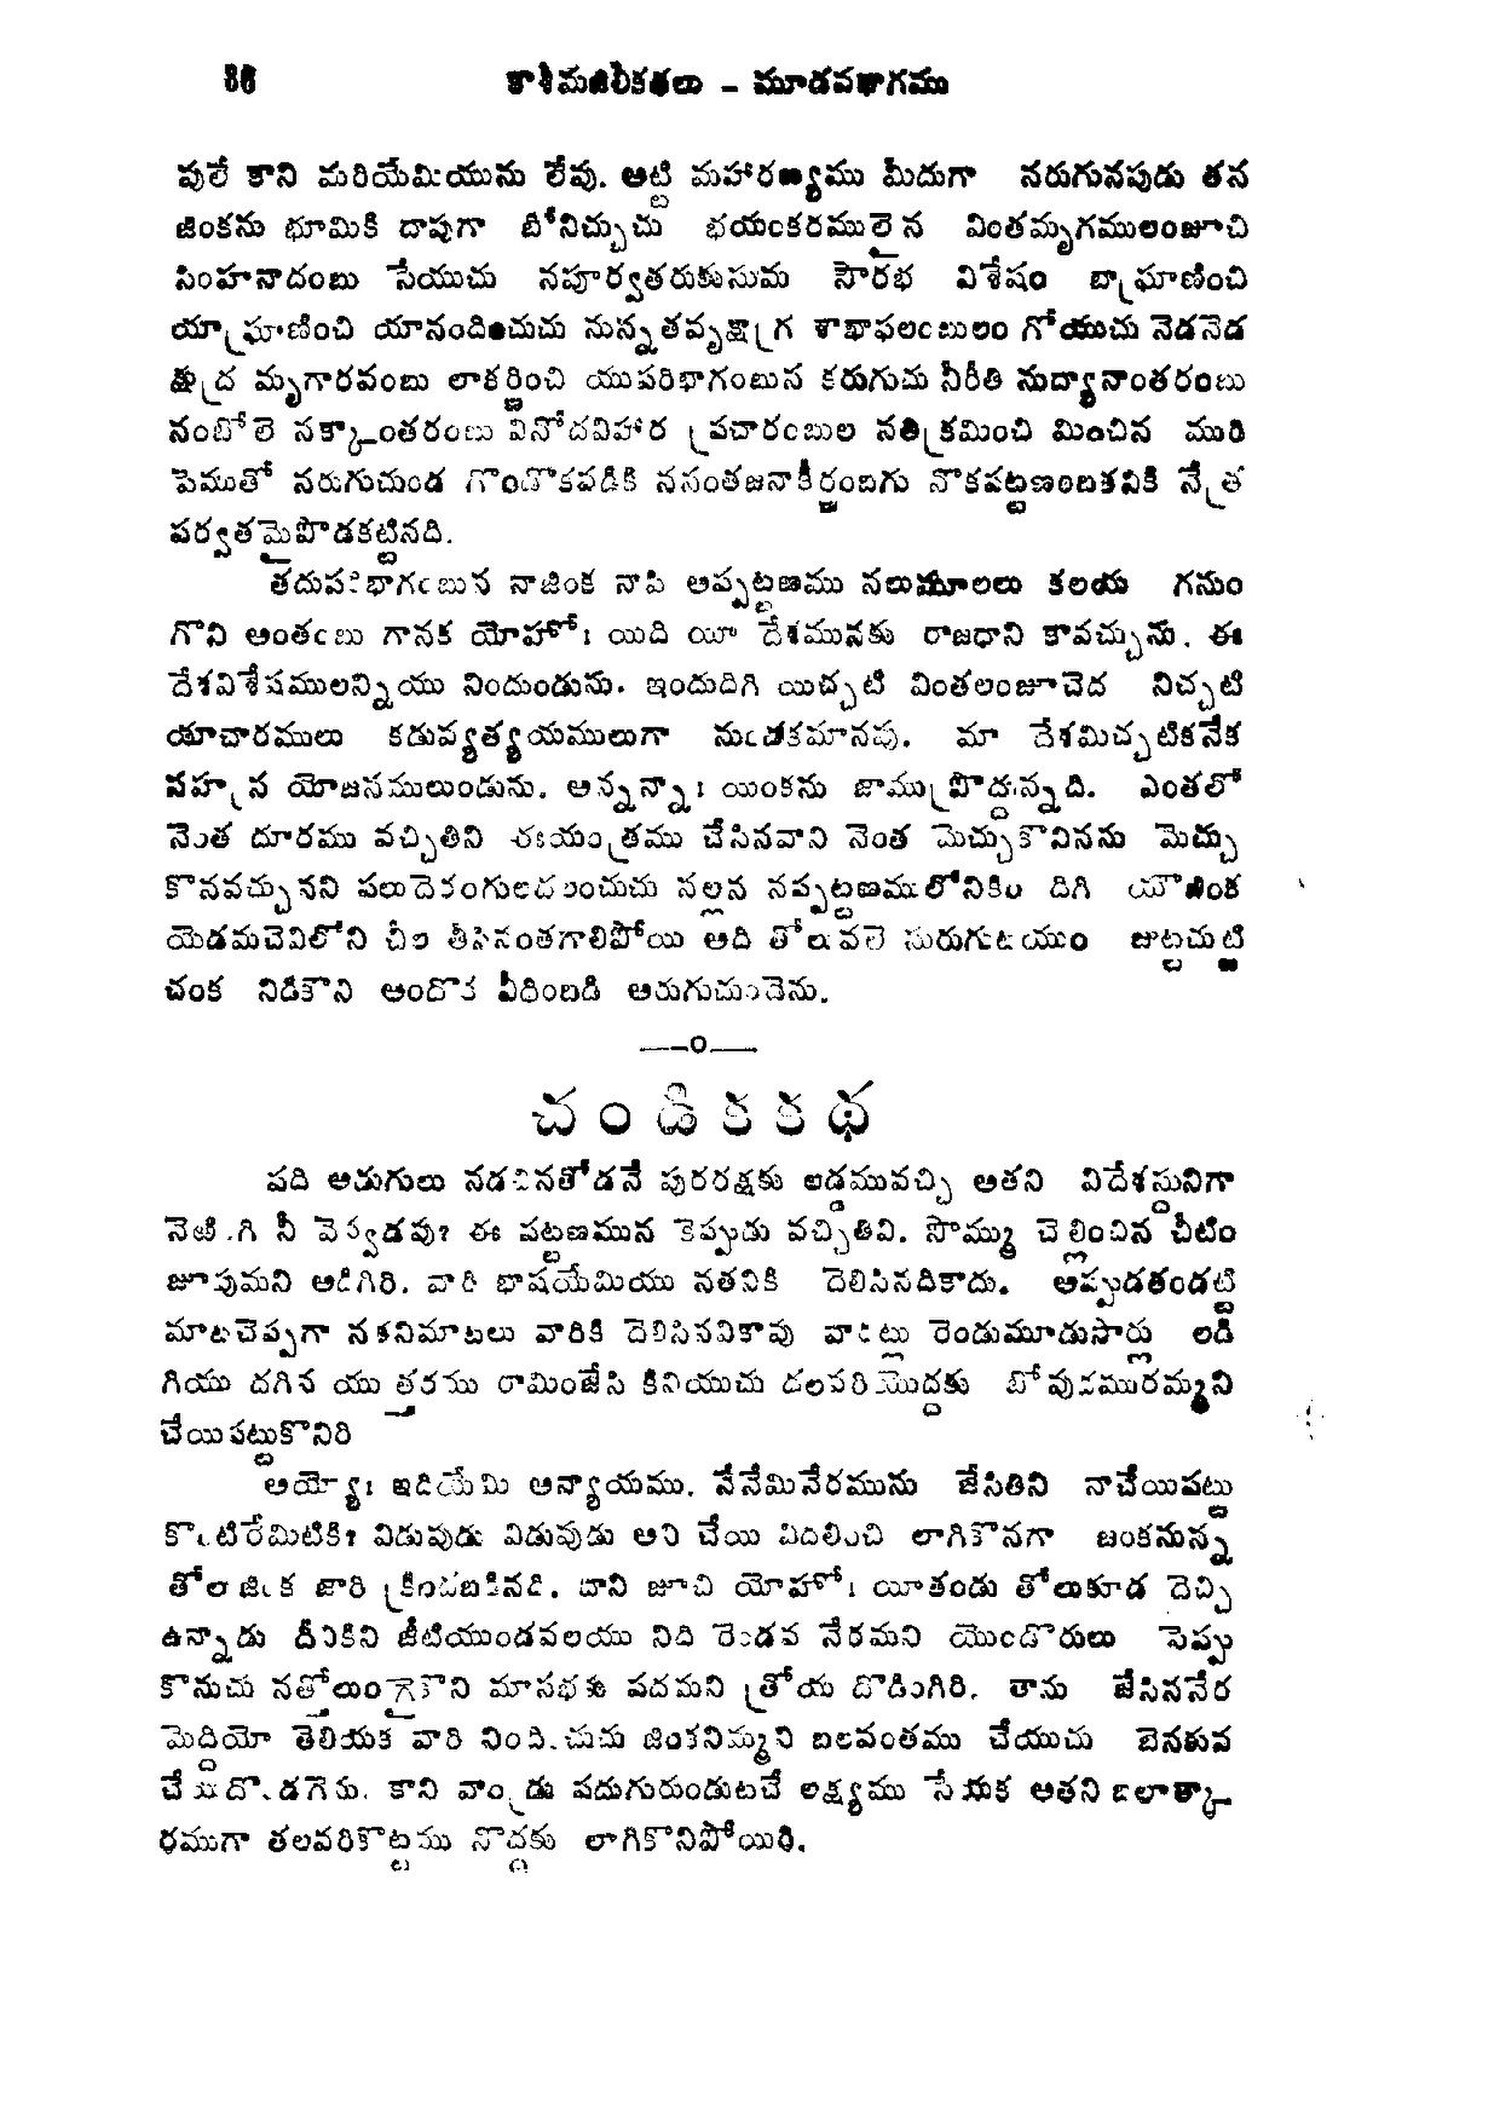వులే కాని మరియేమియును లేవు. అట్టి మహారణ్యము మీదుగా నరుగునపుడు తన జింకను భూమికి దాపుగా బోనిచ్చుచు భయంకరములైన వింతమృగములంజూచి సింహనాదంబు సేయుచు నపూర్వతరుకుసుమసౌరభవిశేషం బాఘ్రాణించి యాఘ్రాణించి యానందించుచు నున్నతవృక్షాగ్రశాఖాఫలంబులం గోయుచు నెడనెడ క్షుద్రమృగారవంబు లాకర్ణించి యుపరిభాగంబున కరుగుచు నీరీతి నుద్యానాంతరంబునంబోలె నక్కాంతరంబు వినోదవిహారప్రచారంబుల నతిక్రమించి మించిన మురిపెముతో నరుగుచుండ గొండొకవడికి ననంతజనాకీర్ణంబగు నొకపట్టణం బతనికి నేత్రపర్వతమై పొడకట్టినది.

తదుపరిభాగంబున నాజింక నాపి అప్పట్టణము నలుమూలలు కలయ గనుంగొని అంతంబు గానక యోహో! యిది యీ దేశమునకు రాజధాని కావచ్చును, ఈ దేశవిశేషములన్నియు నిందుండును. ఇందుదిగి యిచ్చటి వింతలంజూచెద నిచ్చటి యాచారములు కడువ్యత్యయములుగా నుండకమానవు. మా దేశమిచ్చటికనేక సహస్ర యోజనములుండును. అన్నన్నా! యింకను జాముపొద్దున్నది.
ఎంతలో నెంత దూరము వచ్చితిని ఈయంత్రము చేసినవాని నెంత మెచ్చుకొనినను మెచ్చుకొనవచ్చు నని పలుదెరంగులదలంచుచు నల్లన నప్పట్టణము లోనికిం దిగి యాజింక యెడమచెవిలోని చీల తీసినంతగాలిపోయి అది తోలువలె సురుగుటయుం జుట్టుచుట్టి చంక నిడికొని అందొక వీథింబడి అరుగుచుండెను.

చండికకథ

పదిఅడుగులు నడచినతోడనే పురరక్షకు లడ్డమువచ్చి అతని విదేశస్థునిగా నెఱింగి నీ వెవ్వడవు? ఈ పట్టణమున కెప్పుడు వచ్చితివి. సొమ్ము చెల్లించిన చీటిం జూపుమని అడిగిరి. వారి భాషయేమియు నతనికి దెలిసినదికాదు. అప్పుడతండట్టి మాటచెప్పగా నతనిమాటలు వారికి దెలిసినవికావు వారట్లు రెండుమూడుసార్లు లడిగియు దగిన యుత్తరము రామింజేసి కినియుచు దలవరియొద్దకు బోవుదము రమ్మని చేయిపట్టుకొనిరి

అయ్యో! ఇదియేమి అన్యాయము. నేనేమినేరమును జేసితిని నాచేయిపట్టుకొంటిరేమిటికి? విడువుడు విడువుడు అని చేయి విదలించి లాగికొనగా జంకనున్న తోలు జింక జారి క్రిందబడినది. దాని జూచి యోహో! యీతండు తోలుకూడ దెచ్చి ఉన్నాడు. దీనికిని జీటియుండవలయు నిది రెండవ నేరమని యొండొరులు సెప్పుకొనుచు నత్తోలుంగైకొని మాసభకు పదమని త్రోయ దొడింగిరి. తాను జేసిననేర మెద్దియో తెలియక వారి నిందించుచు జింకనిమ్మని బలవంతము చేయుచు బెనకువ చేయదొడంగెను. కాని వాండ్రు పదుగురుండుటచే లక్ష్యము సేయక అతని బలాత్కారముగా తలవరికొట్టము నొద్దకు లాగికొనిపోయిరి.